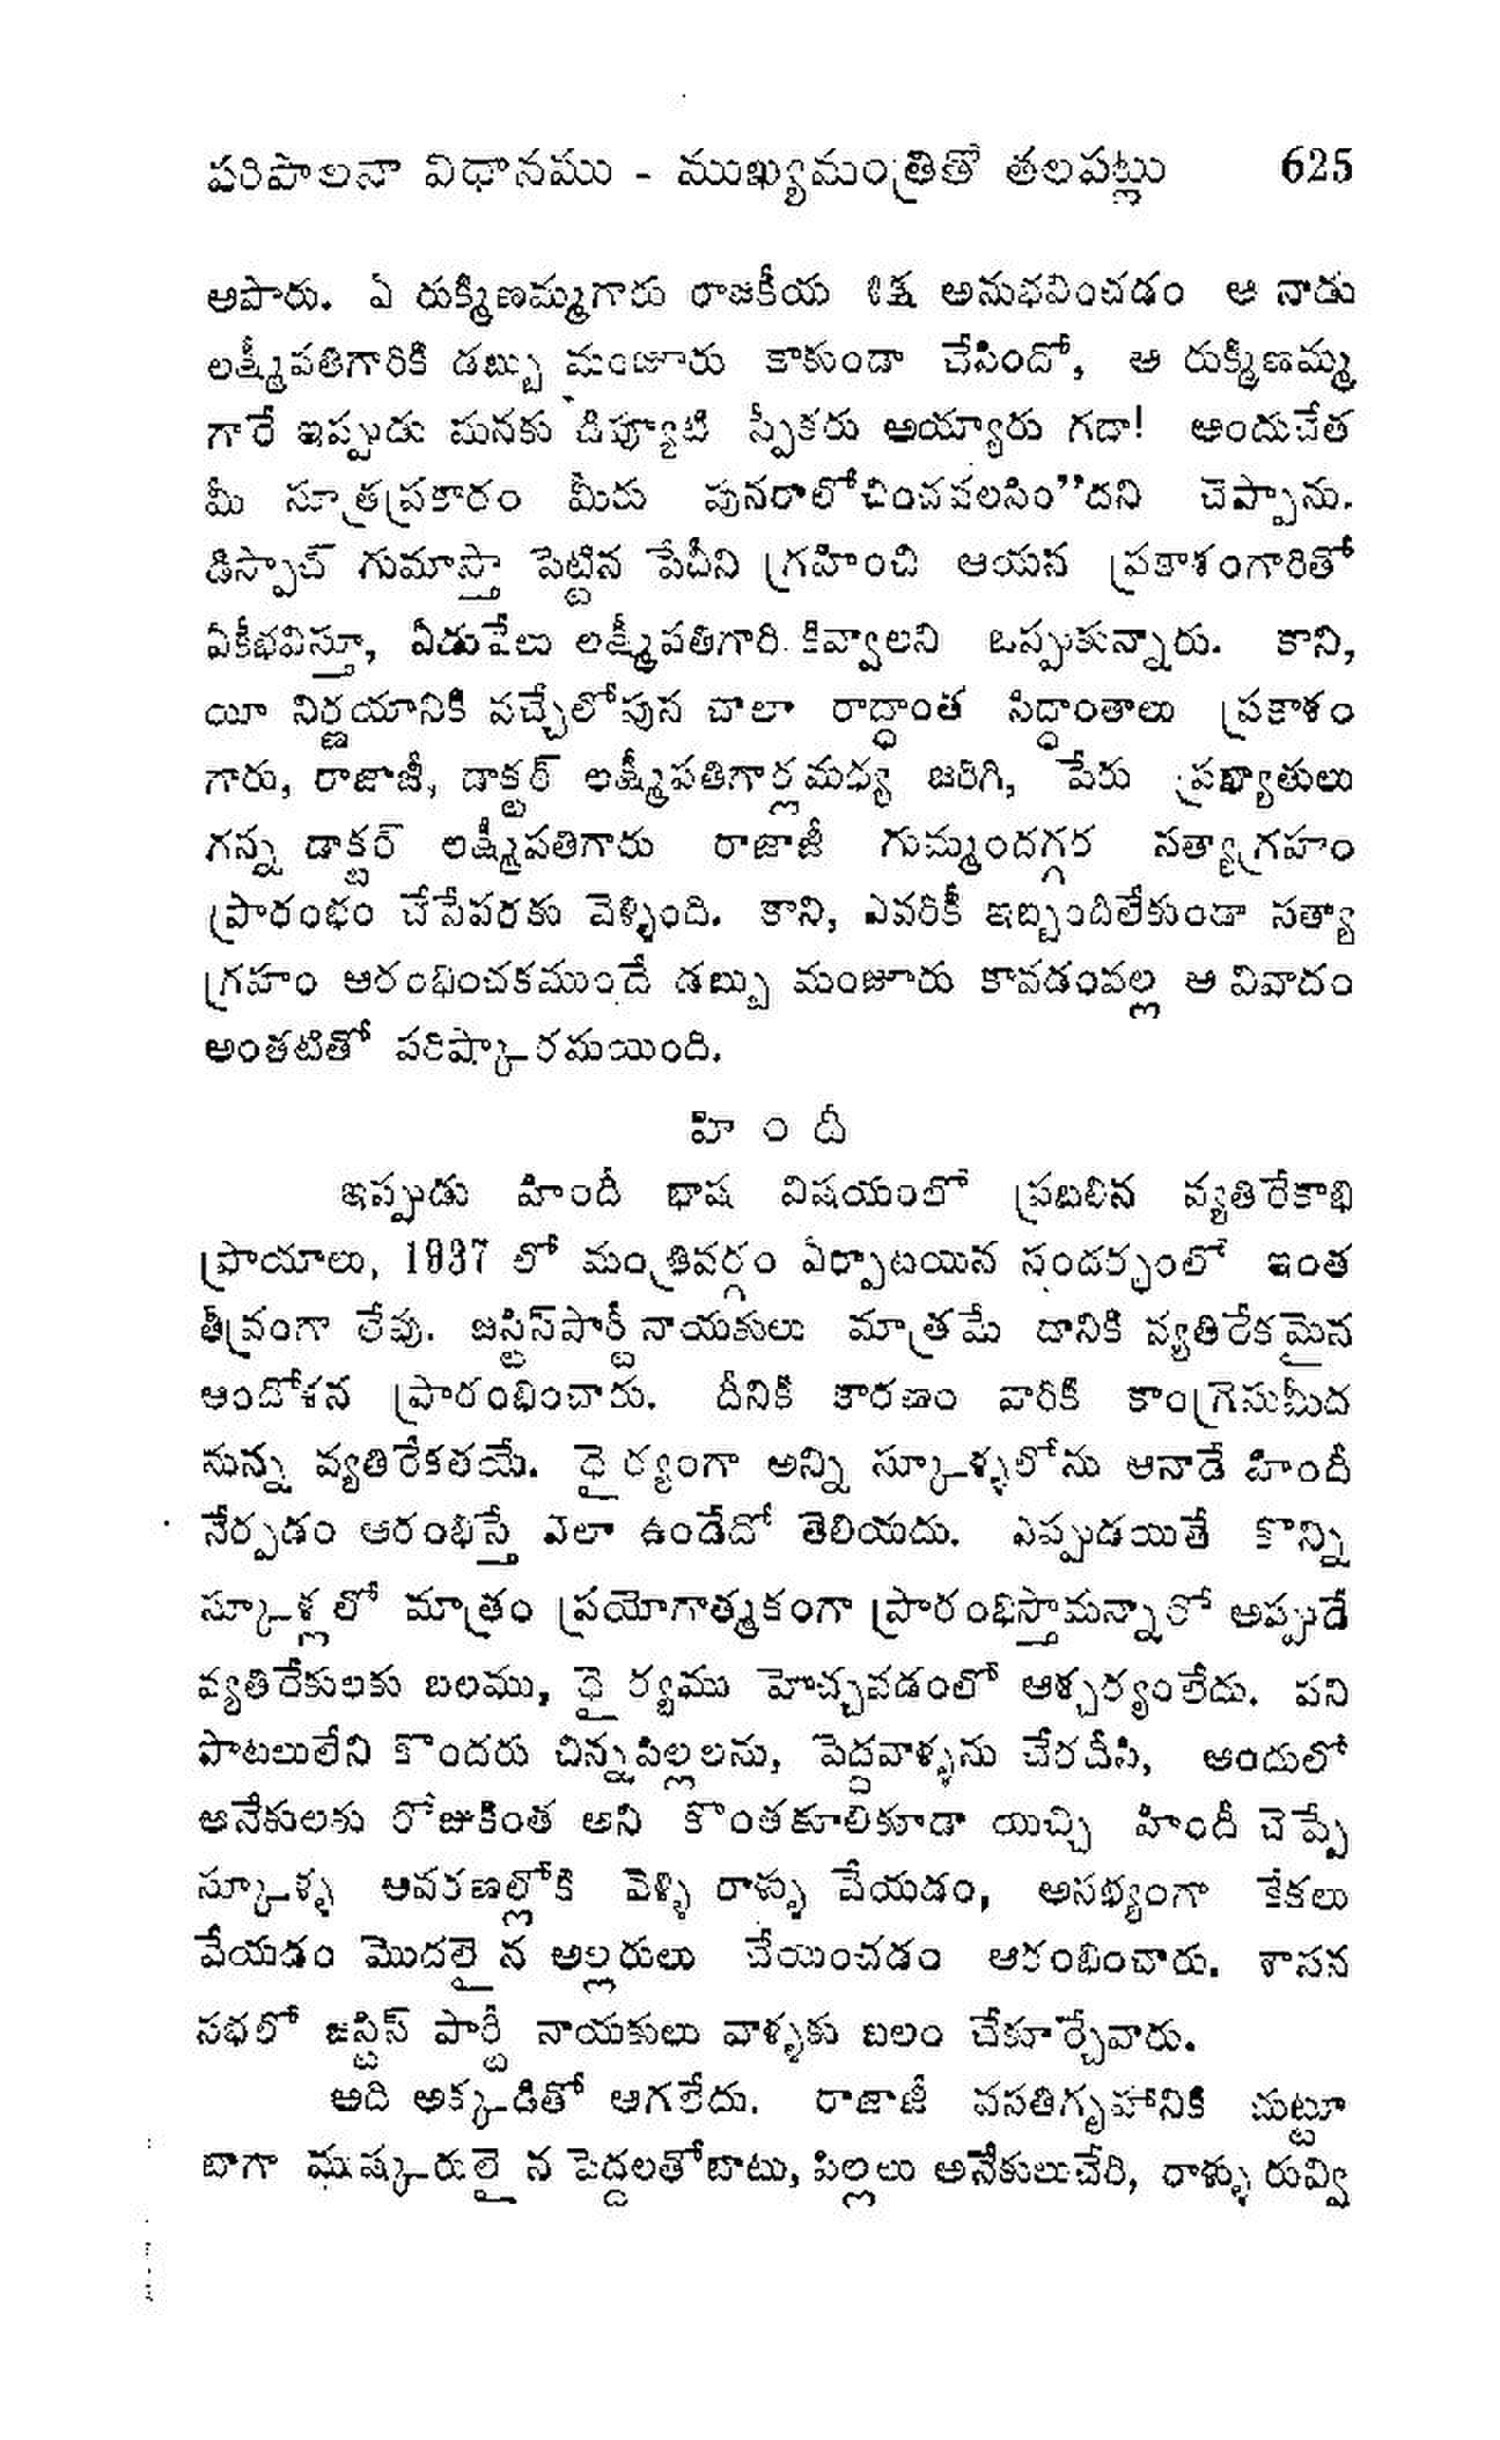ఆపారు. ఏ రుక్మిణమ్మగారు రాజకీయ శిక్ష అనుభవించడం ఆ నాడు లక్ష్మీపతిగారికి డబ్బు మంజూరు కాకుండా చేసిందో, ఆ రుక్మిణమ్మగారే ఇప్పుడు మనకు డిప్యూటి స్పీకరు అయ్యారు గదా! అందుచేత మీ సూత్రప్రకారం మీరు పునరాలోచించవలసిం"దని చెప్పాను. డిస్పాచ్ గుమాస్తా పెట్టిన పేచీని గ్రహించి ఆయన ప్రకాశంగారితో ఏకీభవిస్తూ, ఏడువేలు లక్ష్మీపతిగారి కివ్వాలని ఒప్పుకున్నారు. కాని, యీ నిర్ణయానికి వచ్చేలోపున చాలా రాద్ధాంత సిద్ధాంతాలు ప్రకాశంగారు, రాజాజీ, డాక్టర్ లక్ష్మీపతీగార్లమద్య జరిగి, పేరు ప్రఖ్యాతులు గన్న డాక్టర్ లక్ష్మీపతిగారు రాజాజీ గుమ్మందగ్గర సత్యాగ్రహం ప్రారంభం చేసేవరకు వెళ్ళింది. కాని, ఎవరికీ ఇబ్బందిలేకుండా సత్యాగ్రహం ఆరంభించకముందే డబ్బు మంజూరు కావడంవల్ల ఆ వివాదం అంతటితో పరిష్కారమయింది.

ఇప్పుడు హిందీ భాష విషయంలో ప్రబలిన వ్యతిరేకాభిప్రాయాలు, 1937 లో మంత్రివర్గం ఏర్పాటయిన సందర్భంలో ఇంత తీవ్రంగా లేవు. జస్టిస్‌పార్టీ నాయకులు మాత్రమే దానికి వ్యతిరేకమైన ఆందోళన ప్రారంభించారు. దీనికి కారణం వారికి కాంగ్రెసుమీదనున్న వ్యతిరేకతయే. ధైర్యంగా అన్ని స్కూళ్ళలోను ఆనాడే హిందీ నేర్పడం ఆరంభిస్తే ఎలా ఉండేదో తెలియదు. ఎప్పుడయితే కొన్ని స్కూళ్లలో మాత్రం ప్రయోగాత్మకంగా ప్రారంభిస్తామన్నారో అప్పుడే వ్యతిరేకులకు బలము, ధైర్యము హెచ్చవడంలో ఆశ్చర్యంలేదు. పనిపాటలులేని కొందరు చిన్నపిల్లలను, పెద్దవాళ్ళను చేరదీసి, అందులోఅనేకులకు రోజుకింత అని కొంతకూలికూడా యిచ్చి హిందీ చెప్పే స్కూళ్ళ ఆవరణల్లోకి వెళ్ళి రాళ్ళు వేయడం, అసభ్యంగా కేకలు వేయడం మొదలైన అల్లరులు చేయించడం ఆరంబించారు. శాసన సభలో జస్టిస్ పార్టీ నాయకులు వాళ్ళకు బలం చేకూర్చేవారు.

అది అక్కడితో ఆగలేదు. రాజాజీ వసతిగృహానికి చుట్టూ బాగా ముష్కరులైన పెద్దలతోబాటు, పిల్లలు అనేకులుచేరి, రాళ్ళు రువ్వి